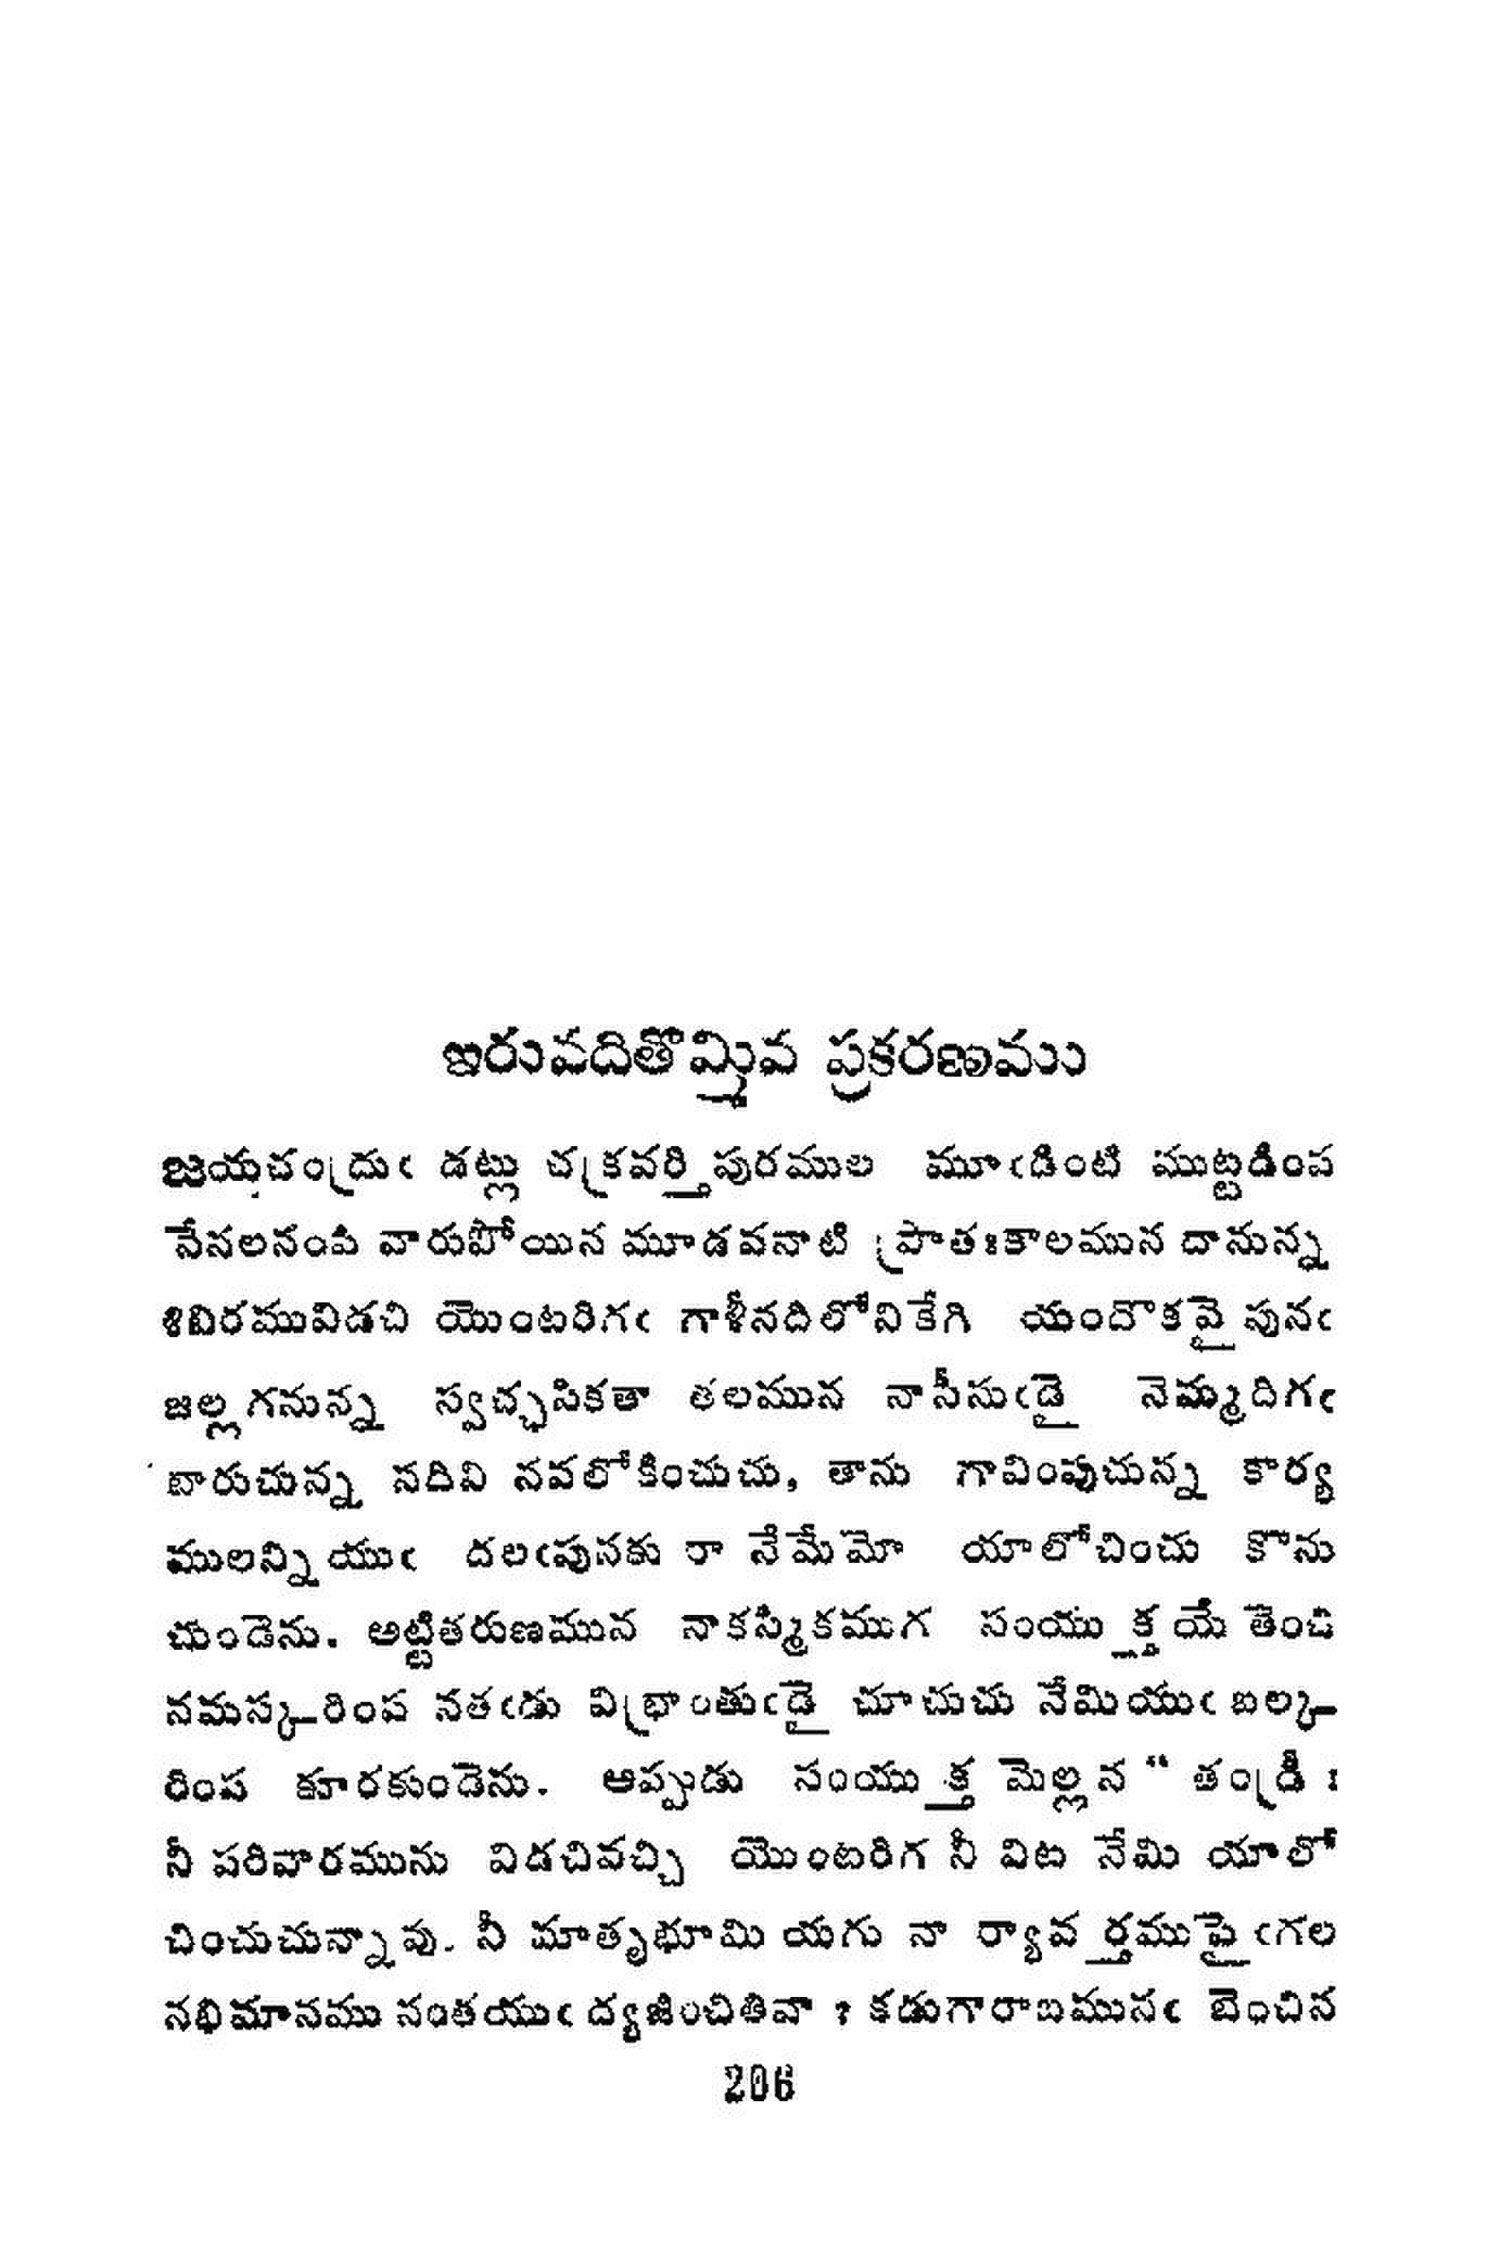ఇరువదితొమ్మిదవ ప్రకరణము

యచంద్రుఁ డట్లు చక్రవర్తిపురముల మూఁడింటి ముట్టడింప సేనలనంపి వారుపోయిన మూడవనాటి ప్రాతఃకాలమున దానున్న శిబిరమువిడచి యొంటరిగఁ గాళీనదిలోనికేగి యందొకవైపునఁ జల్లగనున్న స్వచ్ఛసికతా తలమున నాసీనుఁడై నెమ్మదిగఁ బారుచున్న నదిని నవలోకించుచు, తాను గావింపుచున్న కార్యములన్నియుఁ దలఁపునకు రా నేమేమో యాలోచించు కొనుచుండెను. అట్టితరుణమున నాకస్మికముగ సంయుక్తయే తెంచి నమస్కరింప నతఁడు విభ్రాంతుఁడై చూచుచు నేమియుఁ బల్కరింప కూరకుండెను. అప్పుడు సంయుక్త మెల్లన "తండ్రీ! నీ పరిపారమును విడచివచ్చి యొంటరిగ నీ విట నేమి యాలోచించుచున్నావు. నీ మాతృభూమి యగు నార్యావర్తముపై గల నభిమానము నంతయుఁ ద్యజించితివా? కడుగారాబమునఁ బెంచిన